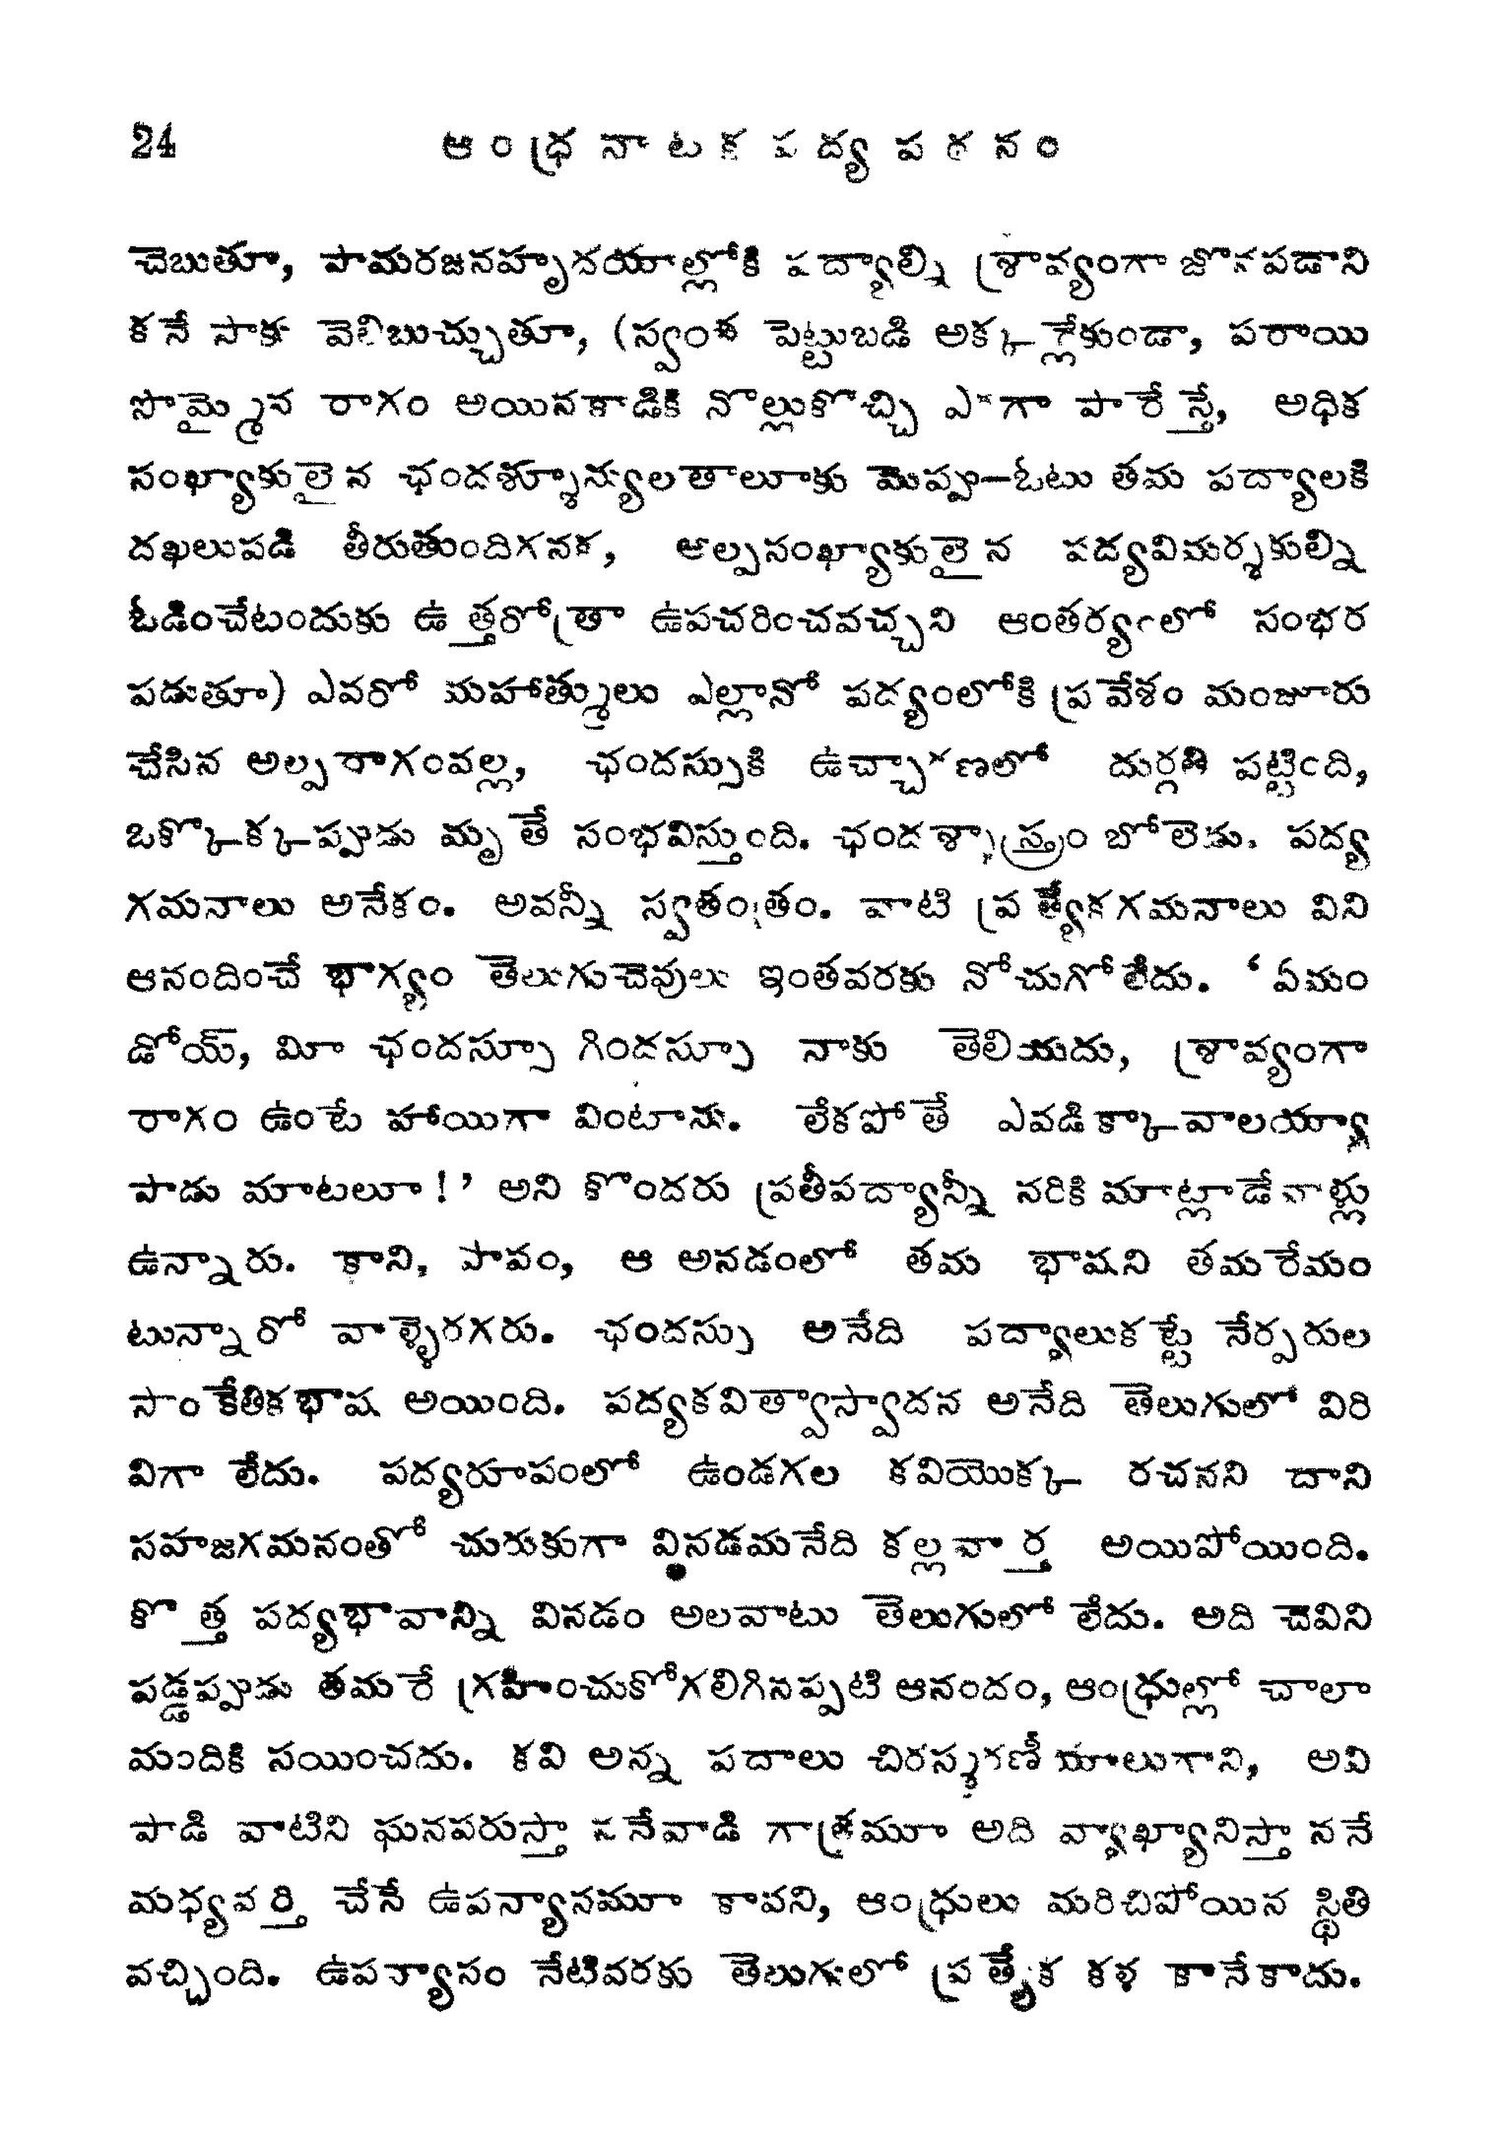చెబుతూ, పామరజనహృదయాల్లోకి పద్యాల్ని శ్రావ్యంగా జొనపడాని
కనే సాకు వెలిబుచ్చుతూ, (స్వంత పెట్టుబడి అక్కర్లేకుండా, పరాయి
సొమ్మైన రాగం అయినకాడికి నొల్లుకొచ్చి ఎరగా పారేస్తే, అధిక
సంఖ్యాకులైన ఛందశ్శూన్యుల తాలూకు మెప్పు - ఓటు తమ పద్యాలకి
దఖలుపడి తీరుతుందిగనక, ఆల్పసంఖ్యాకులైన పద్యవిమర్శకుల్ని
ఓడించేటందుకు ఉత్తరోత్రా ఉపచరించవచ్చని ఆంతర్యంలో సంభర
పడుతూ) ఎవరో మహాత్ములు ఎల్లానో పద్యంలోకి ప్రవేశం మంజూరు
చేసిన అల్పరాగంవల్ల, ఛందస్సుకి ఉచ్చారణలో దుర్గతి పట్టింది,
ఒక్కొక్కప్పుడు మృతే సంభవిస్తుంది. ఛందశ్శాస్త్రం బోలెడు పద్య
గమనాలు అనేకం. అవన్నీ స్వతంత్రం. వాటి ప్రత్యేకగమనాలు విని
ఆనందించే భాగ్యం తెలుగుచెవులు ఇంతవరకు నోచుకోలేదు. 'ఏమం
డోయ్, మీ ఛందస్సూ గిందస్సూ నాకు తెలియదు, శ్రావ్యంగా
రాగం ఉంటే హాయిగా వింటాను. లేకపోతే ఎవడిక్కావాలయ్యా
పాడు మాటలూ!' అని కొందరు ప్రతిపద్యాన్నీ నరికి మాట్లాడేవాళ్లు
ఉన్నారు. కాని, పాపం, ఆ అనడంలో తమ భాషని తమరేమం
టున్నారో వాళ్ళెరగరు. ఛందస్సు అనేది పద్యాలుకట్టే నేర్పరుల
సాంకేతికభాష అయింది. పద్యకవిత్వాస్వాదన అనేది తెలుగులో విరి
విగా లేదు. పద్యరూపంలో ఉండగల కవియొక్క రచనని దాని
సహజగమనంతో చురుకుగా వినడమనేది కల్లవార్త అయిపోయింది.
కొత్త పద్యభావాన్ని వినడం అలవాటు తెలుగులో లేదు. అది చెవిని
పడ్డప్పుడు తమరే గ్రహించుకోగలిగినప్పటి ఆనందం, ఆంధ్రుల్లో చాలా
మందికి సయించదు. కవి అన్న పదాలు చిరస్మరణీయాలుగాని, అవి
పాడి వాటిని ఘనపరుస్తా ననేవాడి గాత్రమూ అది వ్యాఖ్యానిస్తా ననే
మధ్యవర్తి చేసే ఉపన్యానమూ కావని, ఆంధ్రులు మరిచిపోయిన స్థితి
వచ్చింది. ఉపన్యాసం నేటివరకు తెలుగులో ప్రత్యేక కళ కానేకాదు.